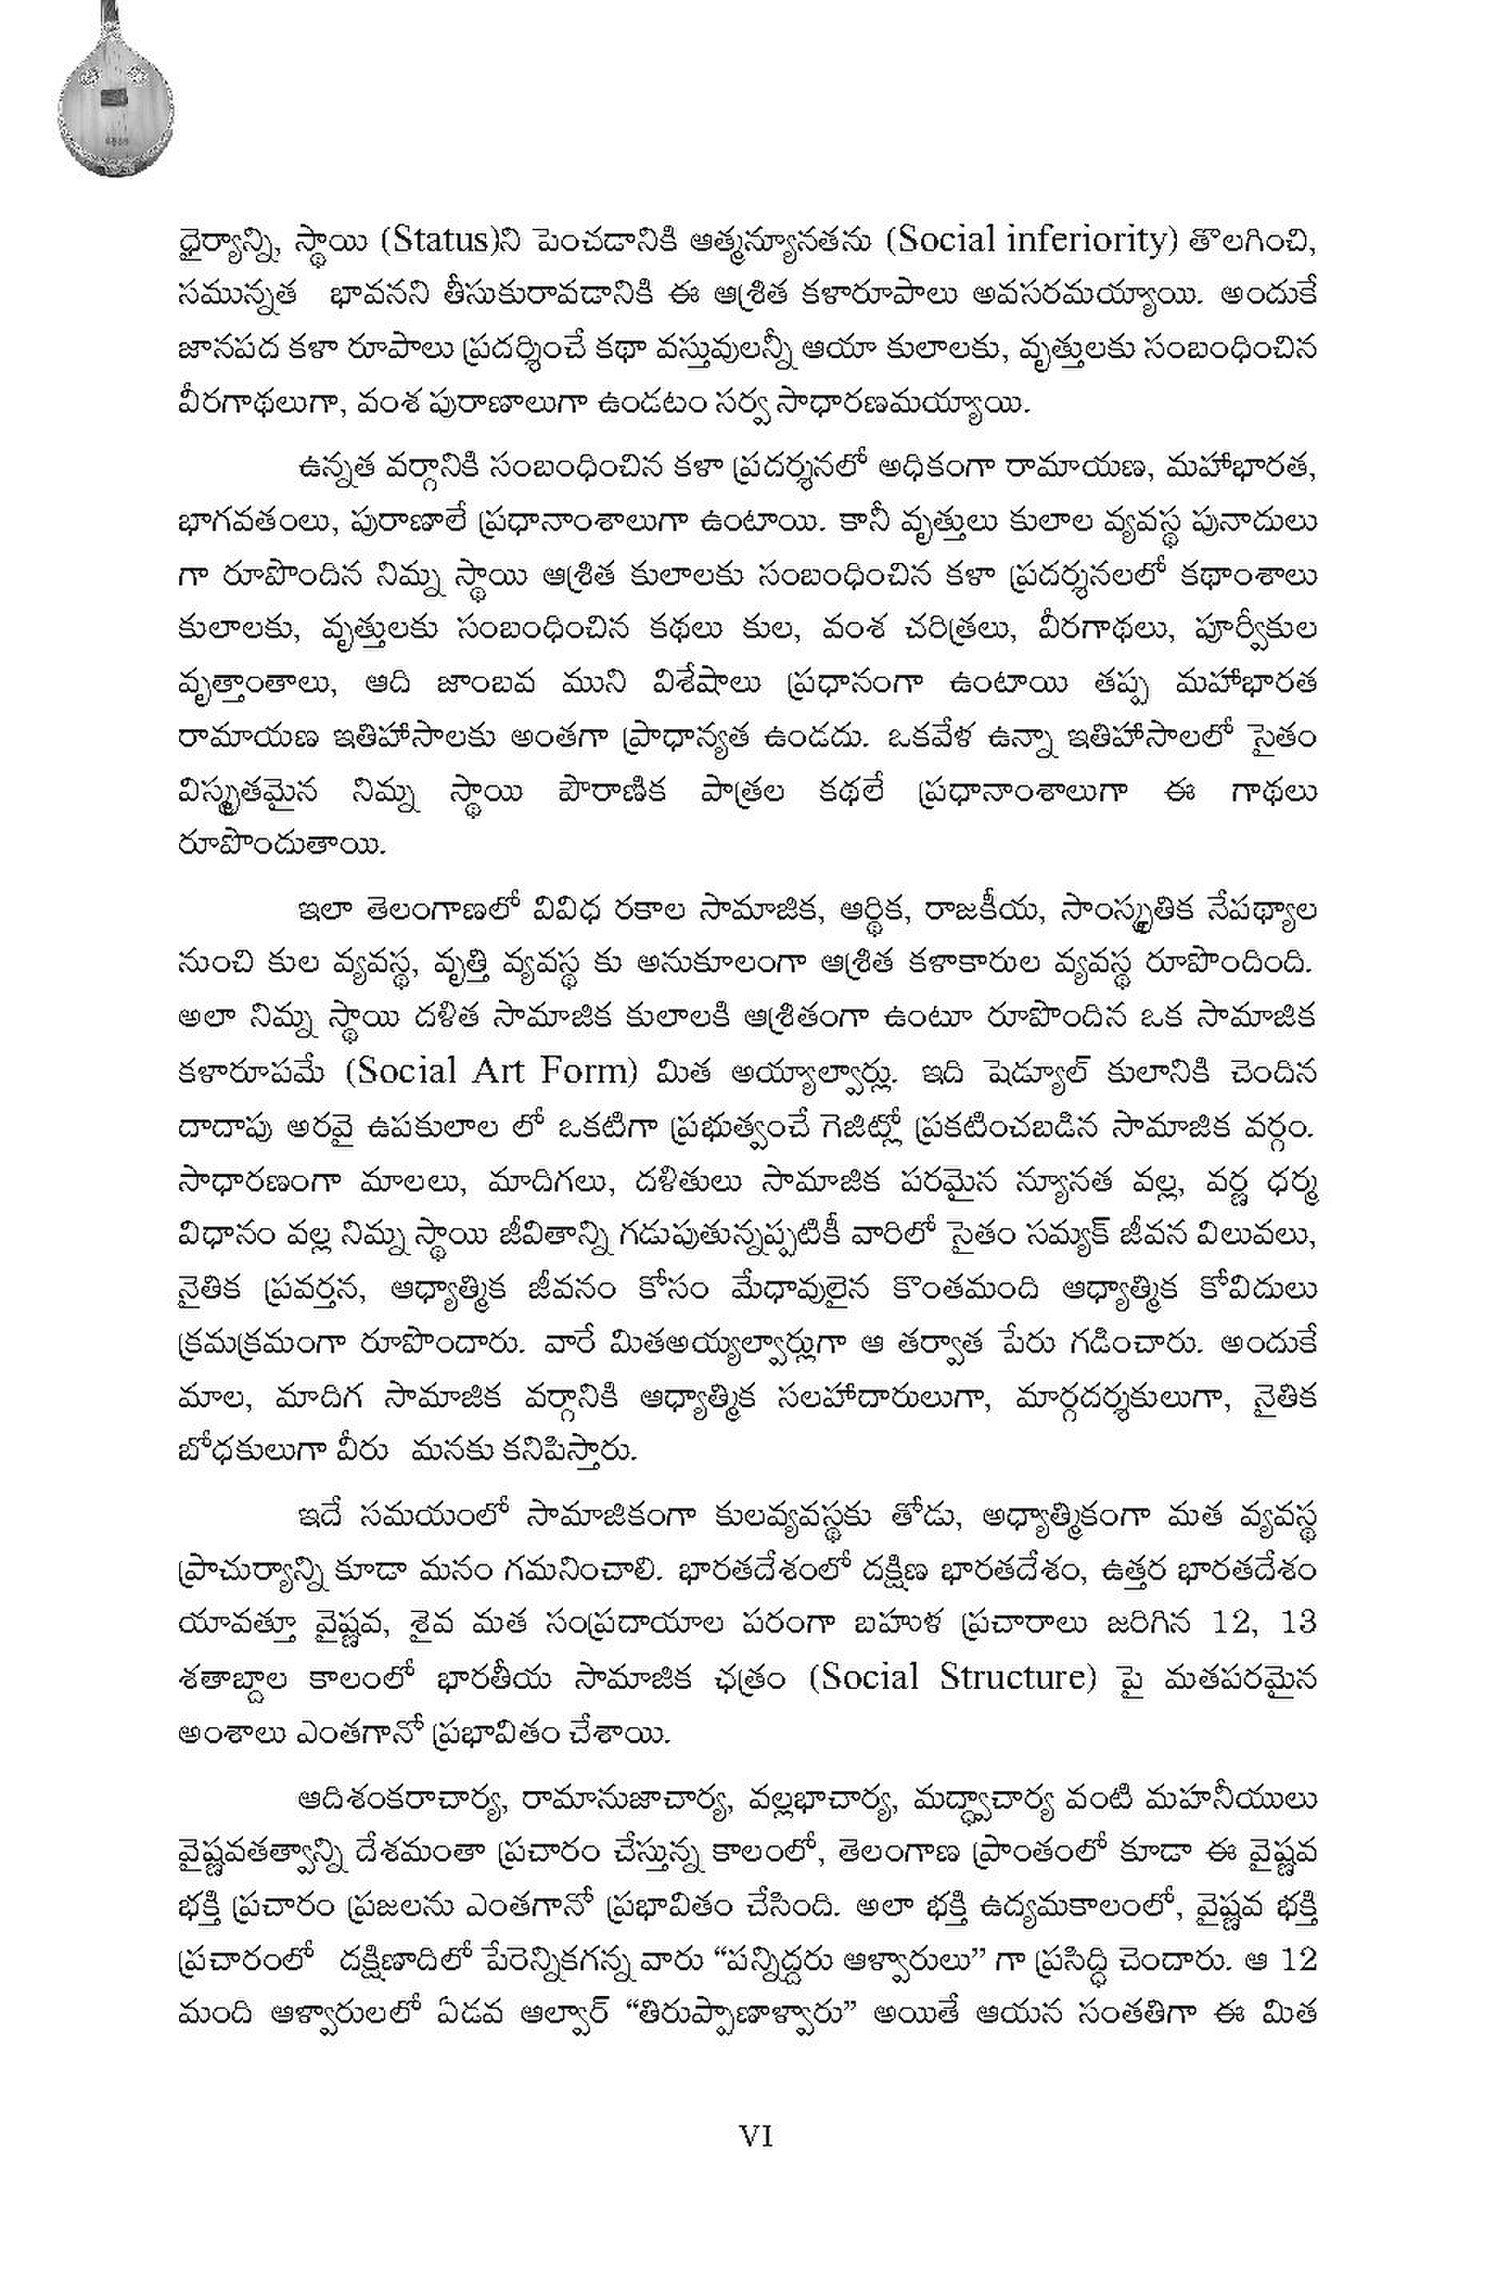ధైర్యాన్ని, స్థాయి (Status)ని పెంచడానికి ఆత్మన్యూనతను (Social inferiority) తొలగించి, సమున్నత భావనని తీసుకురావడానికి ఈ ఆశ్రిత కళారూపాలు అవసరమయ్యాయి. అందుకే జానపద కళా రూపాలు ప్రదర్శించే కథా వస్తువులన్నీ ఆయా కులాలకు, వృత్తులకు సంబంధించిన వీరగాథలుగా, వంశ పురాణాలుగా ఉండటం సర్వ సాధారణమయ్యాయి.

ఉన్నత వర్గానికి సంబంధించిన కళా ప్రదర్శనలో అధికంగా రామాయణ, మహాభారత, భాగవతంలు, పురాణాలే ప్రధానాంశాలుగా ఉంటాయి. కానీ వృత్తులు కులాల వ్యవస్థ పునాదులుగా రూపొందిన నిమ్న స్థాయి ఆశ్రిత కులాలకు సంబంధించిన కళా ప్రదర్శనలలో కథాంశాలు కులాలకు, వృత్తులకు సంబంధించిన కథలు కుల, వంశ చరిత్రలు, వీరగాథలు, పూర్వీకుల వృత్తాంతాలు, ఆది జాంబవ ముని విశేషాలు ప్రధానంగా ఉంటాయి తప్ప మహాభారత రామాయణ ఇతిహాసాలకు అంతగా ప్రాధాన్యత ఉండదు. ఒకవేళ ఉన్నా ఇతిహాసాలలో సైతం విస్తృతమైన నిమ్న స్థాయి పౌరాణిక పాత్రల కథలే ప్రధానాంశాలుగా ఈ గాథలు రూపొందుతాయి.

ఇలా తెలంగాణలో వివిధ రకాల సామాజిక, ఆర్థిక, రాజకీయ, సాంస్కృతిక నేపథ్యాల నుంచి కుల వ్యవస్థ, వృత్తి వ్యవస్థ కు అనుకూలంగా ఆశ్రిత కళాకారుల వ్యవస్థ రూపొందింది. అలా నిమ్న స్థాయి దళిత సామాజిక కులాలకి ఆశ్రితంగా ఉంటూ రూపొందిన ఒక సామాజిక కళారూపమే (Social Art Form) మిత అయ్యాల్వార్లు. ఇది షెడ్యూల్ కులానికి చెందిన
దాదాపు అరవై ఉపకులాల లో ఒకటిగా ప్రభుత్వంచే గెజిట్లో ప్రకటించబడిన సామాజిక వర్గం. సాధారణంగా మాలలు, మాదిగలు, దళితులు సామాజిక పరమైన న్యూనత వల్ల, వర్ణ ధర్మ విధానం వల్ల నిమ్న స్థాయి జీవితాన్ని గడుపు తున్నప్పటికీ వారిలో సైతం సమ్యక్ జీవన విలువలు, నైతిక ప్రవర్తన, ఆధ్యాత్మిక జీవనం కోసం మేధావులైన కొంతమంది ఆధ్యాత్మిక కోవిదులు క్రమక్రమంగా రూపొందారు. వారే మితఅయ్యల్వార్లుగా ఆ తర్వాత పేరు గడించారు. అందుకే
మాల, మాదిగ సామాజిక వర్గానికి ఆధ్యాత్మిక సలహాదారులుగా, మార్గదర్శకులుగా, నైతిక బోధకులుగా వీరు మనకు కనిపిస్తారు.

ఇదే సమయంలో సామాజికంగా కులవ్యవస్థకు తోడు, అధ్యాత్మికంగా మత వ్యవస్థ ప్రాచుర్యాన్ని కూడా మనం గమనించాలి. భారతదేశంలో దక్షిణ భారతదేశం, ఉత్తర భారతదేశం యావత్తూ వైష్ణవ, శైవ మత సంప్రదాయాల పరంగా బహుళ ప్రచారాలు జరిగిన 12, 13 శతాబ్దాల కాలంలో భారతీయ సామాజిక ఛత్రం (Social Structure) పై మతపరమైన
అంశాలు ఎంతగానో ప్రభావితం చేశాయి.

ఆదిశంకరాచార్య, రామానుజాచార్య, వల్లభాచార్య, మధ్వాచార్య వంటి మహనీయులు వైష్ణవతత్వాన్ని దేశమంతా ప్రచారం చేస్తున్న కాలంలో, తెలంగాణ ప్రాంతంలో కూడా ఈ వైష్ణవ భక్తి ప్రచారం ప్రజలను ఎంతగానో ప్రభావితం చేసింది. అలా భక్తి ఉద్యమకాలంలో, వైష్ణవ భక్తి ప్రచారంలో దక్షిణాదిలో పేరెన్నికగన్న వారు "పన్నిద్దరు ఆళ్వారులు” గా ప్రసిద్ధి చెందారు. ఆ 12 మంది ఆళ్వారులలో ఏడవ ఆల్వార్ "తిరుప్పాణాళ్వారు" అయితే ఆయన సంతతిగా ఈ మిత